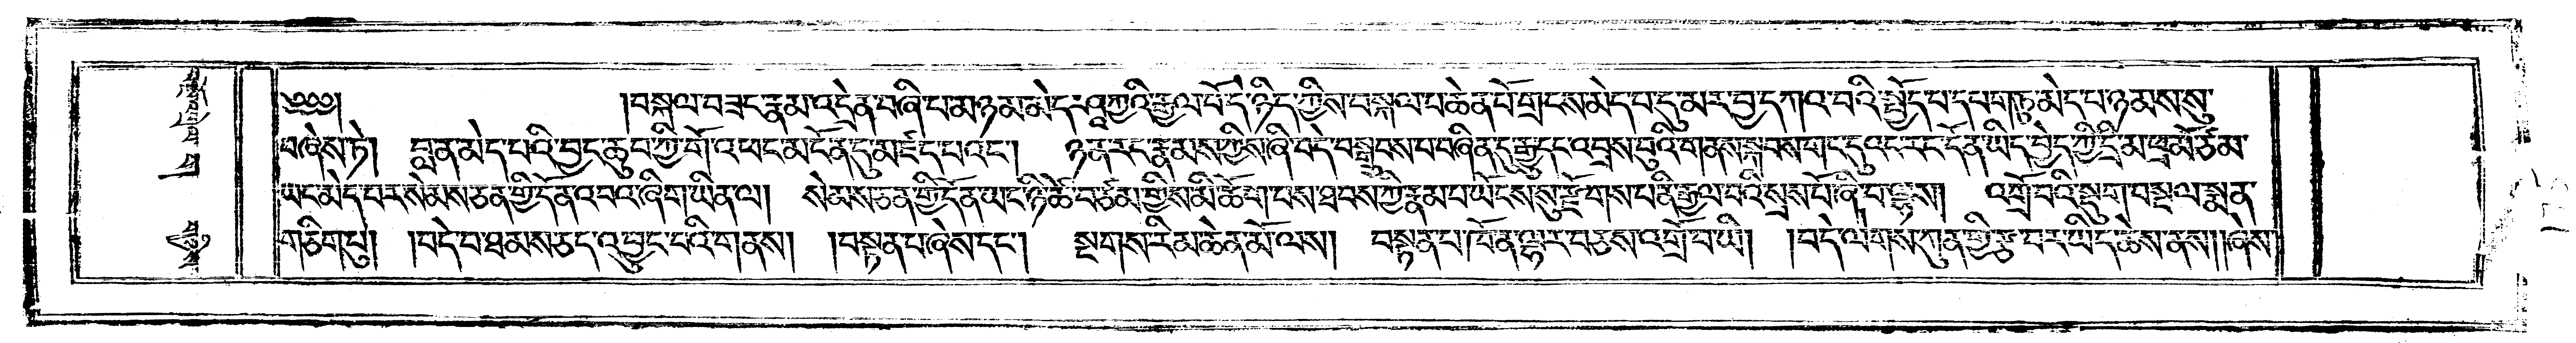༄༅༅། །བསྐལ་བཟང་རྣམ་འདྲེན་བཞི་པ་མཉམ་མེད་ཤཱཀྱའི་རྒྱལ་པོ་དེ་ཉིད་ཀྱིས་བསྐལ་བ་ཆེན་པོ་གྲངས་མེད་པ་དུ་མར་བྱ་དཀའ་བའི་སྤྱོད་པ་དཔག་ཏུ་མེད་པ་ཉམས་སུ་
བཞེས་ཏེ། བླ་ན་མེད་པའི་བྱང་ཆུབ་ཀྱི་གོ་འཕང་མངོན་དུ་མཛད་པའང་། ཉན་རང་རྣམས་ཀྱིས་ཞི་བདེ་བསྒྲུབས་པ་བཞིན་དུ་རྒྱུ་དང་འབྲས་བུའི་གནས་སྐབས་གང་དུའང་རང་དོན་ཡིད་བྱེད་ཀྱི་དྲི་མ་ཕྲ་མོ་ཙམ་
ཡང་མེད་པར་སེམས་ཅན་གྱི་དོན་འབའ་ཞིག་ཡིན་ལ། སེམས་ཅན་གྱི་དོན་ཡང་ཉི་ཚེ་བ་ཙམ་གྱིས་མི་ཆོག་བས་ཐབས་ཀྱི་རྣམ་པ་ཡོངས་སུ་རྫོགས་པ་ནི་རྒྱལ་བའི་སྲས་པོ་ཞི་བལྟས། འགྲོ་བའི་སྡུག་བསྔལ་སྨན་
གཅིག་པུ། །བདེ་བ་ཐམས་ཅད་འབྱུང་བའི་གནས། །བསྟན་པ་ཞེས་དང་། སྔགས་རིམ་ཆེན་མོ་ལས། བསྟན་པ་ཁོ་ན་ལྷར་བཅས་འགྲོ་བ་ཡི། །བདེ་ལེགས་ཀུན་གྱི་རྩ་བར་ཡིད་ཆེས་ནས། །ཞེས་